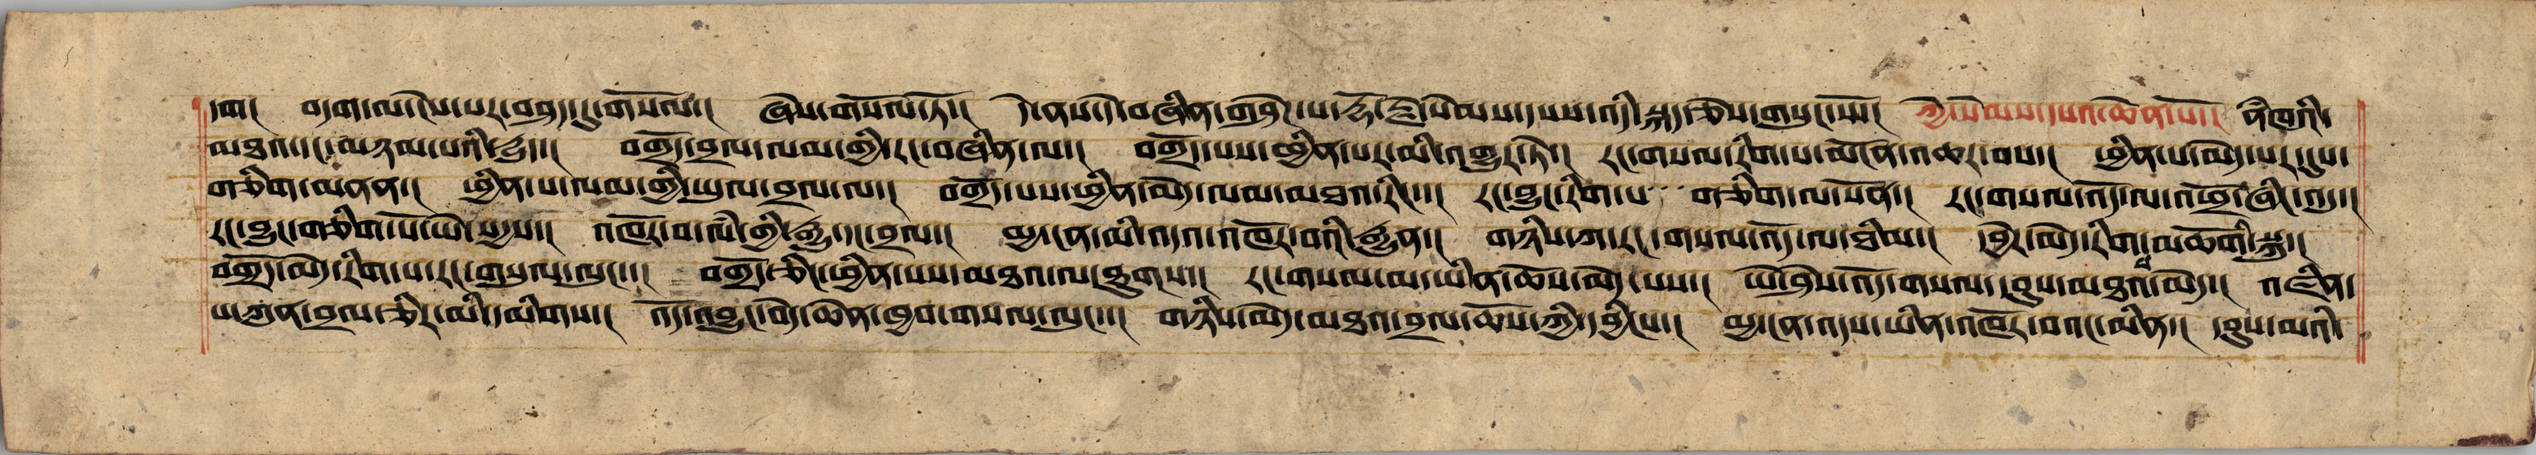དག། བདག་ལ་ངེས་པར་བཤད་དུ་གསོལ་། ཞེས་གསོལ་ཏོ་། དེ་ནས་དེ་བཞིན་གཤེཌ་པ་རྡོ་རྗེ་སེམས་དཔས་འདི་སྐད་ཅེས་གསུངས་སོ་། ཀྱེ་སེམས་དཔའ་ཆེན་པོ་། ནཾཁའི་
མཐའ་དང་མཉམ་པའི་དྱུད་། བགྲོད་བྲལ་ལམ་གྱི་རང་བཞིན་ལ་། བགྲོད་པས་ཕྱིན་པར་མི་འགྱུར་ཏེ་། རང་གསལ་རིག་པ་མངོན་འཆར་བས་། ཕྱིན་པ་མེད་པར་དུས་
གཅིག་མནན་། ཕྱིན་པ་ལམ་གྱི་ཡུལ་བྲལ་ལ་། བགྲོད་པས་ཕྱིན་མེད་ལམ་མཐའ་རིང་་། རང་བྱུང་རིག་པ་ གཅིག་ལ་སོན་། རང་གསལ་འོད་ལ་འཕྲོ་ཞིང་འདུ་།
རང་བྱུང་གཅིག་པོ་ཡེ་སདྱས་། འཁོར་བ་ལཾ་གྱི་རྒྱུ་དང་བྲལ་། མྱ་ངན་མི་འདའ་འཁོར་བའི་རྒྱུན་། གཉིས་ཀ་རང་གསལ་འོད་ལ་ཐིམ་། དབྱེར་མེད་རིག་པ་མཆོགི་སྐུ་།
བགྲོད་མེད་རིག་པ་རང་གསུམ་ལུང་། བགྲོད་ཅིང་ཕྱིན་པས་མཐའ་ལ་ཐུགས་། རང་གསལ་མ་ཡིན་ཆོས་མེད་པས་། ཡེ་ཤེས་འོད་གསལ་དབུས་མཐའ་མེད་། འཛིན་
པ་ཀུན་བྲལ་ཅིར་མི་དམིགས་། འོད་འབྱུང་བདེ་ཆེན་ཁྱབ་གསལ་ལུང་། གཉིས་མེད་མཐའ་བྲལ་ཆོས་ཀྱི་དབྱིངས་། མྱ་ངན་འདས་ཡིན་འཁོར་བའང་མིན་། དབུས་མའི་